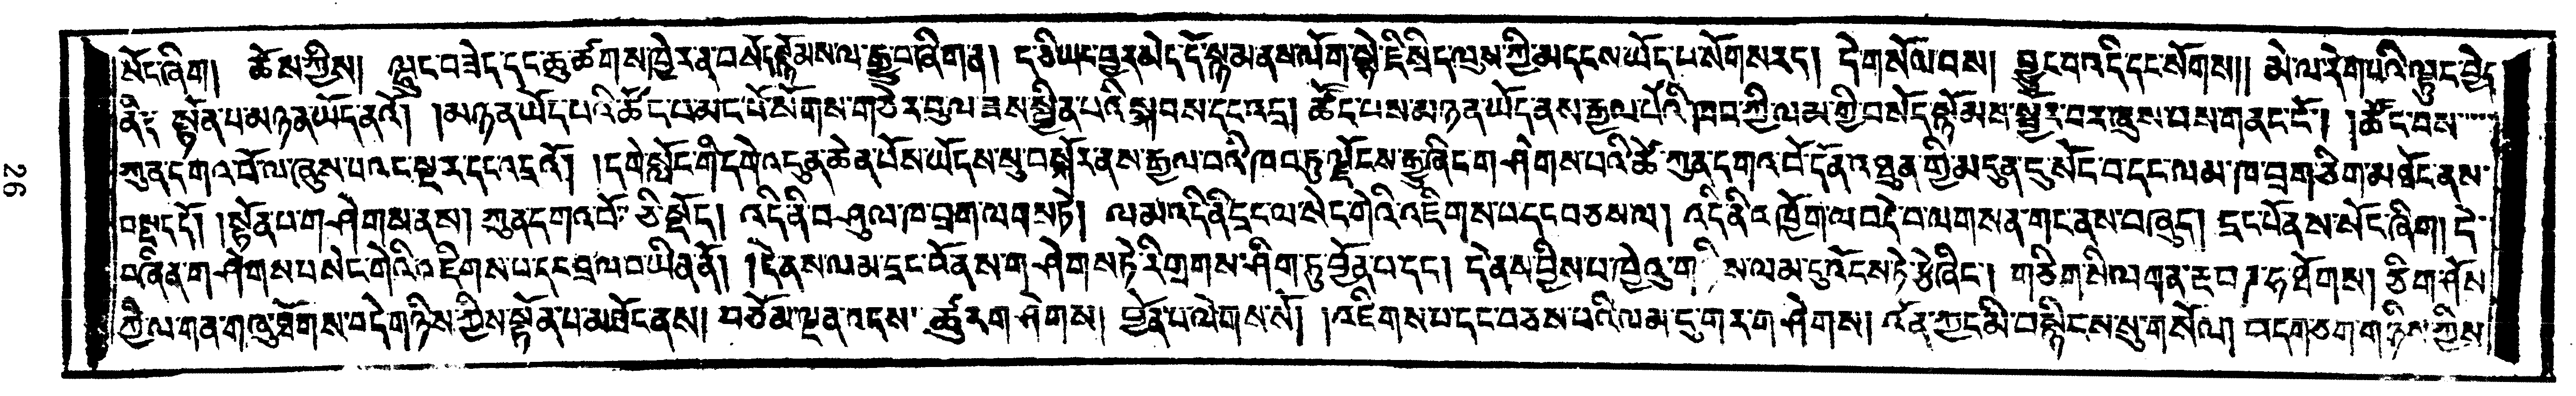སོང་ཞིག། ཆོས་ཀྱིས། ལྷུང་བཟེད་དང་ཆུ་ཚགས་ཁྱེར་ན་བསོད་སྙོམས་ལ་རྒྱུ་བ་ཞིག་ན། ད་ཅི་ཡང་བྱར་མེད་དོ་སྙམ་ནས་ལོག་སྟེ་ཇི་སྲིད་ལུས་ཀྱི་མདངས་ཡོད་པ་སོགས་རང་། དེ་གསོལ་བས། བྱུང་བ་འདི་དང་སོགས།། མེ་ལ་རེག་པའི་ལྟུང་བྱེད་
ནི༑ སྟོན་པ་མཉན་ཡོད་ནའོ། །མཉན་ཡོད་པའི་ཚོད་པ་མང་པོ་སོགས་གཅེར་བུ་ལ་ཟས་སྦྱིན་པའི་སྐབས་དང་འདྲ། ཚོང་པ་མཉན་ཡོད་ནས་རྒྱལ་པོའི་ཁབ་ཀྱི་ལམ་གྱི་བསོད་སྙོམས་སྦྱོར་བར་ཞུས་པས་གནང་ངོ། །ཚོང་བས་
ཀུན་དགའ་བོ་ལ་ཞུས་པའང་སྔར་དང་འདྲའོ། །དགེ་སློང་གི་དགེ་འདུན་ཆེན་པོས་ཡོངས་སུ་བསྐོར་ནས་རྒྱལ་བའི་ཁབ་ཏུ་ལྗོངས་རྒྱུ་ཞིང་གཤེགས་པའི་ཚེ་ཀུན་དགའ་བོ་དོན་འཐུན་གྱི་མདུན་དུ་སོང་བ་དང་ལམ་ཁ་བྲག་ཅིག་མཐོང་ནས་
བསྡད་དོ། །སྟོན་པ་གཤེགས་ནས། ཀུན་དགའ་བོ༑ ཅི་སྡོད། འདི་ནི་བཤུལ་ཁ་བྲག་ལགས་ཏེ། ལམ་འདི་ནི་དྲང་ལ་སེང་གེའི་འཇིགས་པ་དང་བཅས་ལ། འདི་ནི་འཁྱོག་ལ་བདེ་བ་ལགས་ན་གང་ནས་བཞུད། དྲང་པོ་ནས་སོང་ཞིག། དེ་
བཞིན་གཤེགས་པ་སེང་གེའི་འཇིགས་པ་དང་བྲལ་བ་ཡིན་ནོ། །དེ་ནས་ལམ་དྲང་འོ་ནས་གཤེགས་ཏེ་རི་གྲགས་ཤིག་ཏུ་བྱོན་པ་དང་། དེ་ནས་བྱིས་པ་ཁྱེའུ་གཉིས་ལམ་དུ་འོངས་ཏེ་རྩེ་ཞིང་། གཅིག་སིལ་གན་རྔབ་ཌ་ཧ་ཐོགས། ཅིག་ཤོས་
ཀྱི་ལ་གན་གཞུ་ཐོགས་བདེ་གཉིས་ཀྱིས་སྟོན་པ་མཐོང་ནས། བཅོམ་ལྡན་འདས་ཚུར་གཤེགས། བྱོན་པ་ལེགས་སོ། །འཇིགས་པ་དང་བཅས་པའི་ལམ་དུ་གར་གཤེགས། འོན་ཀྱང་མི་བསྙིངས་སུ་གསོལ། བདག་ཅག་གཉིས་ཀྱིས་